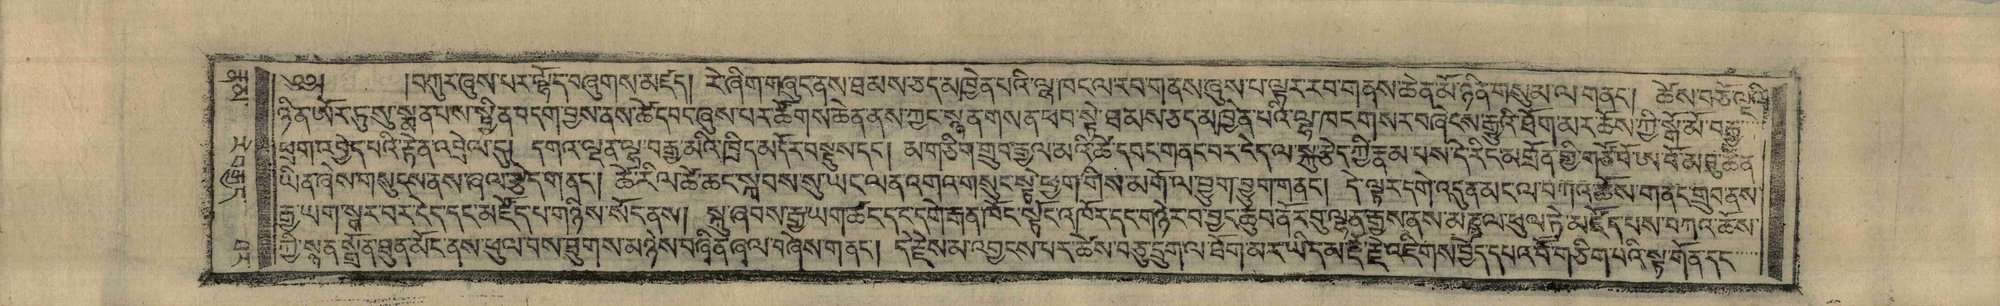༄༅། །བཀུར་ཞུས་པར་ལྷོད་བཞུགས་མཛད། རེ་ཞིག་གཞུང་ནས་ཐམས་ཅད་མཁྱེན་པའི་ལྷ་ཁང་ལ་རབ་གནས་ཞུས་པ་ལྟར་རབ་གནས་ཆེན་མོ་ཉིན་གསུམ་ལ་གནང་། ཚེས་བཅོ་ལྔའི་
ཉིན་ཨོར་ཏུ་སུ་སྨན་པས་སྦྱིན་བདག་བྱས་ནས་ཚེ་དབང་ཞུས་པར་ཚོགས་ཆེན་ནས་ཀྱང་སྙན་གསན་ཕབ་སྟེ་ཐམས་ཅད་མཁྱེན་པའི་ལྷ་ཁང་གསར་བཞེངས་རྒྱུའི་ཐོག་མར་ཆོས་ཀྱི་སྒོ་མོ་བརྒྱ་ཕྲག་འབྱེད་པའི་རྟེན་འབྲེལ་དུ། དགའ་ལྡན་ལྷ་བརྒྱ་མའི་ཁྲིད་མདོར་བསྡུས་དང་། མ་གཅིག་གྲུབ་རྒྱལ་མའི་ཚེ་དབང་གནང་བར་ངེད་ལ་སྐུ་རྩེད་ཀྱི་རྣམ་པས་དེ་རིང་མགྲོན་གྱི་གཙོ་བོ་ཨ་བོ་མཐུ་ཆེན་
ཡིན་ཞེས་གསུངས་ནས་ཞལ་རྩེད་གནང་། ཚེ་རིལ་ཚེ་ཆང་སྐབས་སུ་ཡང་ལན་འགའ་གསུང་སྟེ་ཕྱག་གིས་མགོ་ལ་བྱུག་བྱུག་གནང་། དེ་ལྟར་དགེ་འདུན་མང་ལ་བཀའ་ཆོས་གནང་གྲུབ་ནས་
རྒྱ་ཡག་སྒར་བར་ངེད་དང་མཛོད་པ་གཉིས་སོང་ནས། སྐུ་ཞབས་རྒྱ་ཡག་ཚང་དང་དགེ་རྒན་ཁོང་སྟོང་འཁོར་དང་གཉེར་བ་བྱང་ཆུབ་ནོར་བུ་ལྷན་རྒྱས་ནས་མཎྜལ་ཕུལ་ཏེ་མཛོད་པས་བཀའ་ཆོས་
ཀྱི་སྙན་སྒྲོན་ཐུན་མོང་ནས་ཕུལ་བས་ཐུགས་མཉེས་བཞིན་ཞལ་བཞེས་གནང་། དེ་རྗེས་མ་འགྱངས་པར་ཚེས་བཅུ་དྲུག་ལ་ཐོག་མར་ཡི་དམ་རྡོ་རྗེ་འཇིགས་བྱེད་དཔའ་བོ་གཅིག་པའི་སྟ་གོན་དང་